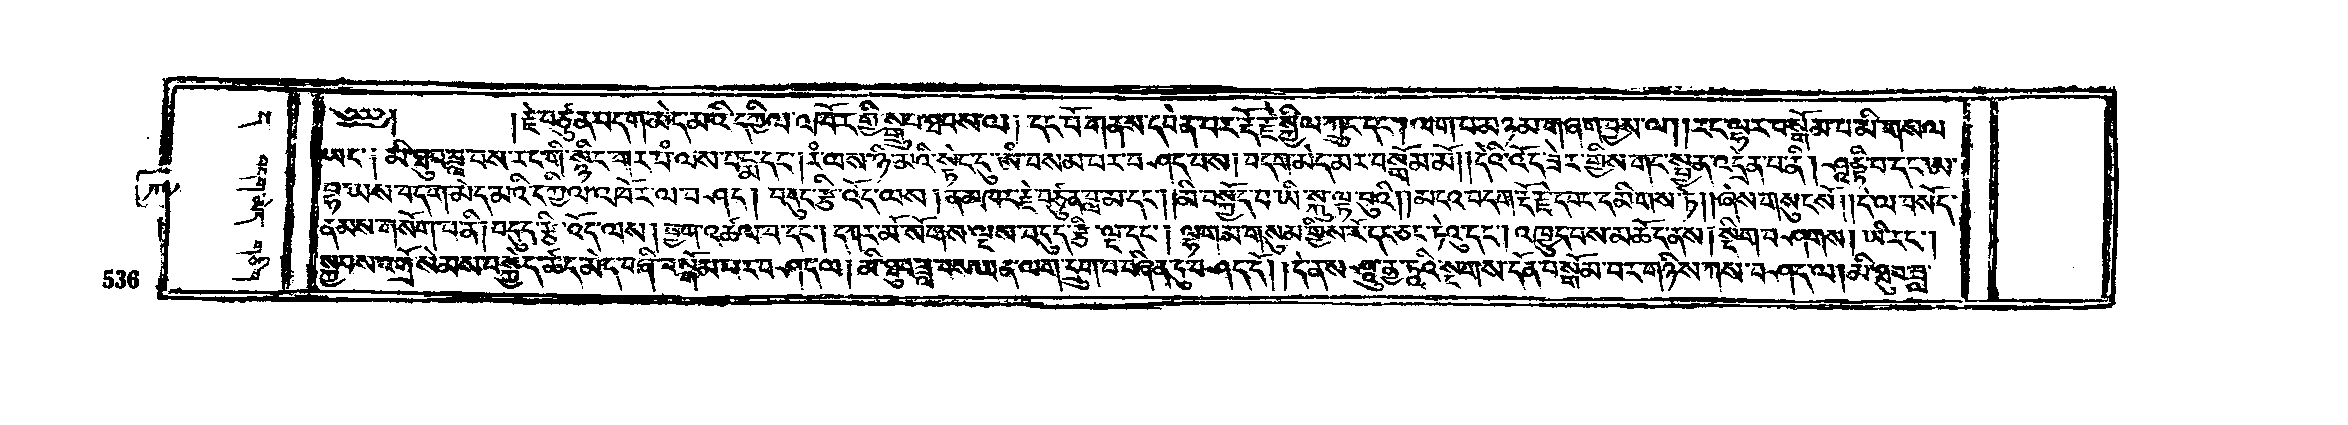༄༅༅། །རྗེ་བཙུན་བདག་མེད་མའི་དཀྱིལ་འཁོར་གྱི་སྒྲུབ་ཐབས་ལ། དང་པོ་གནས་དབེན་པར་རྡོ་རྗེ་སྐྱིལ་ཀྲུང་དང་། ལག་པ་མཉམ་གཞག་བྱས་ལ། །རང་ལྷར་བསྒོམ་པ་མི་གསལ་
ཡང་། མི་ཐུབ་ཟླ་བས་རང་གི་སྙིང་གར་པཾ་ལས་པདམ་དང་། རཾ་ལས་ཉི་མའི་སྟེང་དུ་ཨཾ་བསམ་པར་བཤད་པས། བདག་མེད་མར་བསྒོམ་མོ། །དེའི་འོད་ཟེར་གྱིས་གང་སྤྱན་འདྲེན་པ་ནི། ཤཱཎྟི་བ་དང་ཨ་
བྷ་ཡས་བདག་མེད་མའི་དཀྱིལ་འཁོར་ལ་བཤད། བདུད་རྩི་འོད་ལས། ནམ་མཁར་རྗེ་བཙུན་བླ་མ་དང་། །མི་བསྐྱོད་པ་ཡི་སྐུ་ལྟ་བུའི། །མངའ་བདག་རྡོ་རྗེ་དབང་དམིགས་ཏེ། །ཞེས་གསུངས་སོ། །དེ་ལ་བསོད་
ནམས་གསོག་པ་ནི། བདུད་རྩི་འོད་ལས། ཕྱག་འཚལ་བ་དང་། དཀར་མོ་སོགས་ལྔས་བདུད་རྩི་ལྔ་དང་། ལྷག་མ་གསུམ་གྱིས་རོ་དང་ཅང་ཏེའུ་དང་། འཁྱུད་པས་མཆོད་ནས། སྡིག་བཤགས། ཡི་རང་།
སྐྱབས་འགྲོ་སེམས་བསྐྱེད་ཚད་མེད་བཞི་བསྒོམ་པར་བཤད་ལ། མི་ཐུབ་ཟླ་བས་ཡན་ལག་དྲུག་པ་བཞིན་དུ་བཤད་དོ། །དེ་ནས་ཤཱུ་ཎྱ་ཏཱའི་སྔགས་དོན་བསྒོམ་པར་གཉིས་ཀས་བཤད་ལ། མི་ཐུབ་ཟླ་